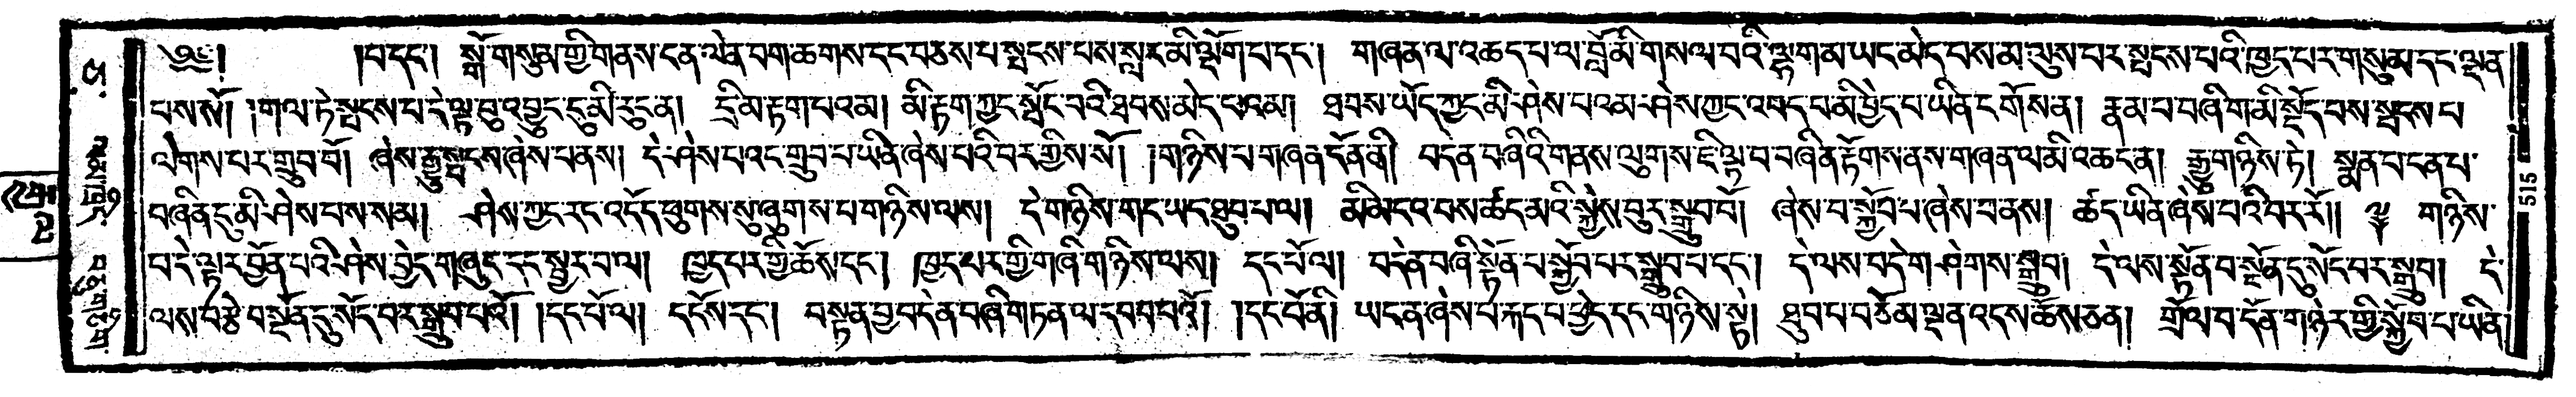༄༅། །པ་དང་། སྒོ་གསུམ་གྱི་གནས་ངན་ལེན་བག་ཆགས་དང་བཅས་པ་སྤངས་པས་སླར་མི་ལྡོག་པ་དང་། གཞན་ལ་འཆད་པ་ལ་བློ་མི་གསལ་བའི་ལྷག་མ་ཡང་མེད་བས་མ་ལུས་པར་སྤངས་པའི་ཁྱད་པར་གསུམ་དང་ལྡན་
པས་སོ། །གལ་ཏེ་སྤངས་པ་དེ་ལྟ་བུ་འབྱུང་དུ་མི་རུང་ན། དྲི་མ་རྟག་པའམ། མི་རྟག་ཀྱང་སྤོང་བའི་ཐབས་མེད་པའམ། ཐབས་ཡོད་ཀྱང་མི་ཤེས་པའམ་ཤེས་ཀྱང་འབད་པ་མི་བྱེད་པ་ཡིན་དགོས་ན། རྣམ་པ་བཞི་ག་མི་སྡོད་པས་སྤངས་པ་
ལེགས་པར་གྲུབ་བོ། ཞེས་རྒྱུ་སྤངས་ཞེས་པ་ནས། དེ་ཤེས་པའང་གྲུབ་པ་ཡིན་ཞེས་པའི་བར་གྱིས་སོ། །གཉིས་པ་གཞན་དོན་ནི། བདེན་བཞིའི་གནས་ལུགས་ཇི་ལྟ་བ་བཞིན་རྟོགས་ནས་གཞན་ལ་མི་འཆང་ན། རྒྱུ་གཉིས་ཏེ། སྨན་པ་ངན་པ་
བཞིན་དུ་མི་ཤེས་པས་སམ། ཤེས་ཀྱང་རང་འདོད་ཕུགས་སུ་ཞུགས་པ་གཉིས་ལས། དེ་གཉིས་གང་ཡང་ཐུབ་པ་ལ། མི་མངའ་བས་ཚད་མའི་སྐྱེས་བུར་སྒྲུབ་བོ། ཞེས་པ་སྐྱོབ་པ་ཞེས་པ་ནས། ཚད་ཡིན་ཞེས་པའི་བར་རོ།། ༈ གཉིས་
པ་དེ་ལྟར་བྱོན་པའི་ཤེས་བྱེད་གཞུང་དང་སྦྱར་བ་ལ། ཁྱད་པར་གྱི་ཆོས་དང་། ཁྱད་པར་གྱི་གཞི་གཉིས་ལས། དང་པོ་ལ། བདེན་བཞི་སྟོན་པ་སྐྱོབ་པར་སྒྲུབ་པ་དང་། དེ་ལས་བདེ་གཤེགས་སྒྲུབ། དེ་ལས་སྟོན་པ་སྔོན་དུ་སོང་བར་སྒྲུབ། དེ་
ལས་བརྩེ་བ་སྔོན་དུ་སོང་བར་སྒྲུབ་པའོ། །དང་པོ་ལ། དངོས་དང་། བསྟན་བྱ་བདེན་བཞི་གཏན་ལ་དབབ་པའོ། །དང་པོ་ནི། ཡང་ན་ཞེས་པ་རྐང་པ་ཕྱེད་དང་གཉིས་སྟེ། ཐུབ་པ་བཅོམ་ལྡན་འདས་ཆོས་ཅན། གྲོལ་བ་དོན་གཉེར་གྱི་སྐྱོབ་པ་ཡིན་